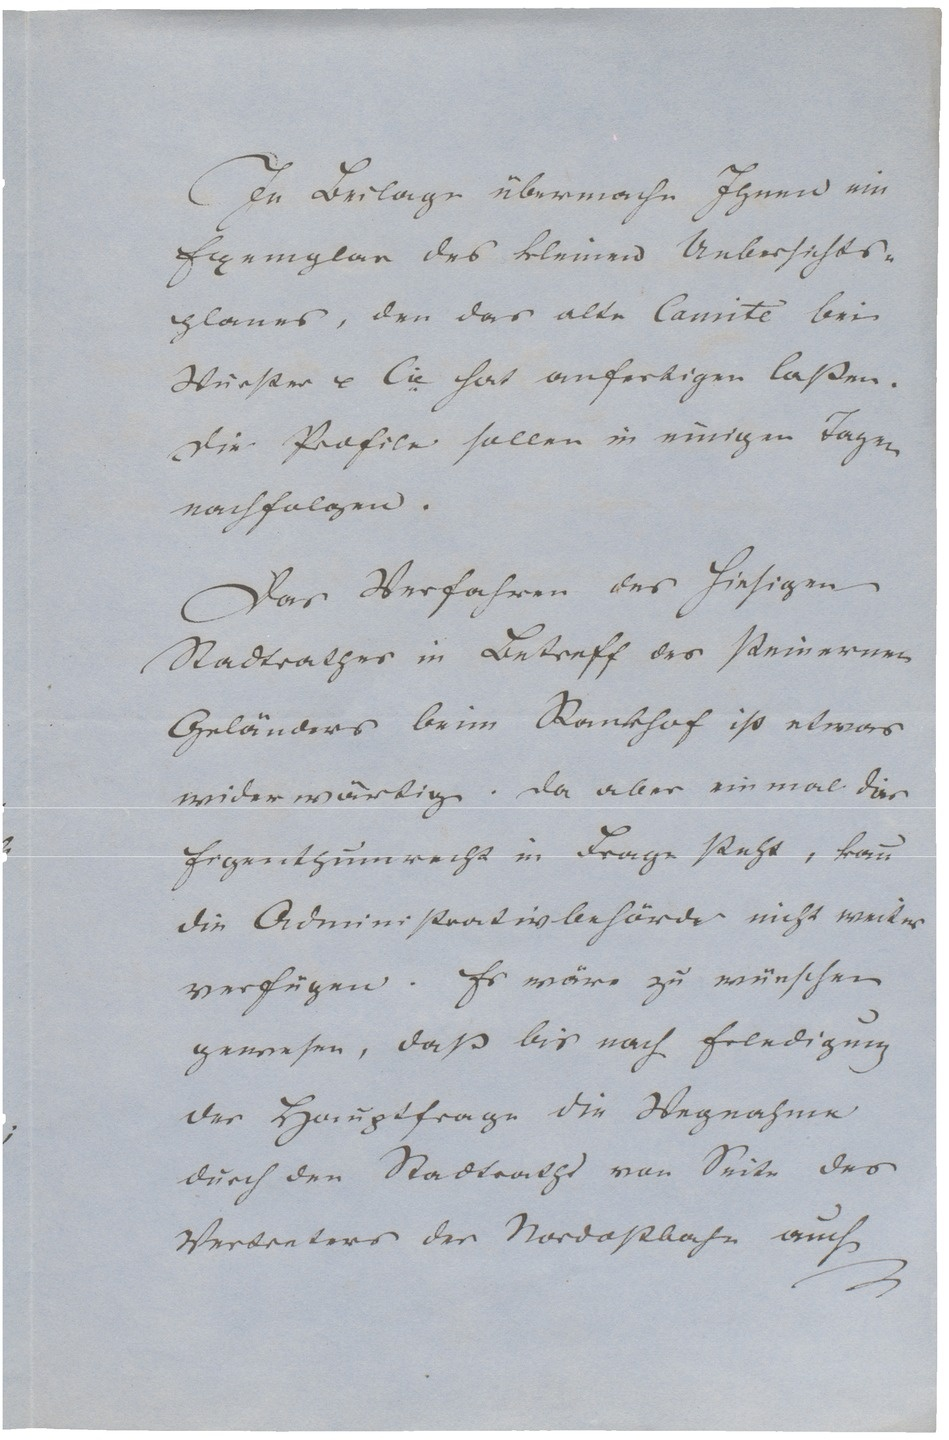In Beilage übermache Ihnen ein
Exemplar des kleinen Uebersichts-
planes, den das alte Comite bei
Würster & Cie hat anfertigen laßen.
Die Profile sollen in einigen Tagen
nachfolgen.
Das Verfahren des hiesigen
Stadtrathes in Betreff des steinernen
Geländers beim Rankhof ist etwas
widerwärtig. Da aber einmal das
Eigenthumrecht in Frage steht, kann
die Administrativbehörde nicht weiter
verfügen. Es wäre zu wünschen
gewesen, daß bis nach Erledigung
der Hauptfrage die Wegnahme
durch den Stadtrath von Seite des
Vertreters der Nordostbahn auch